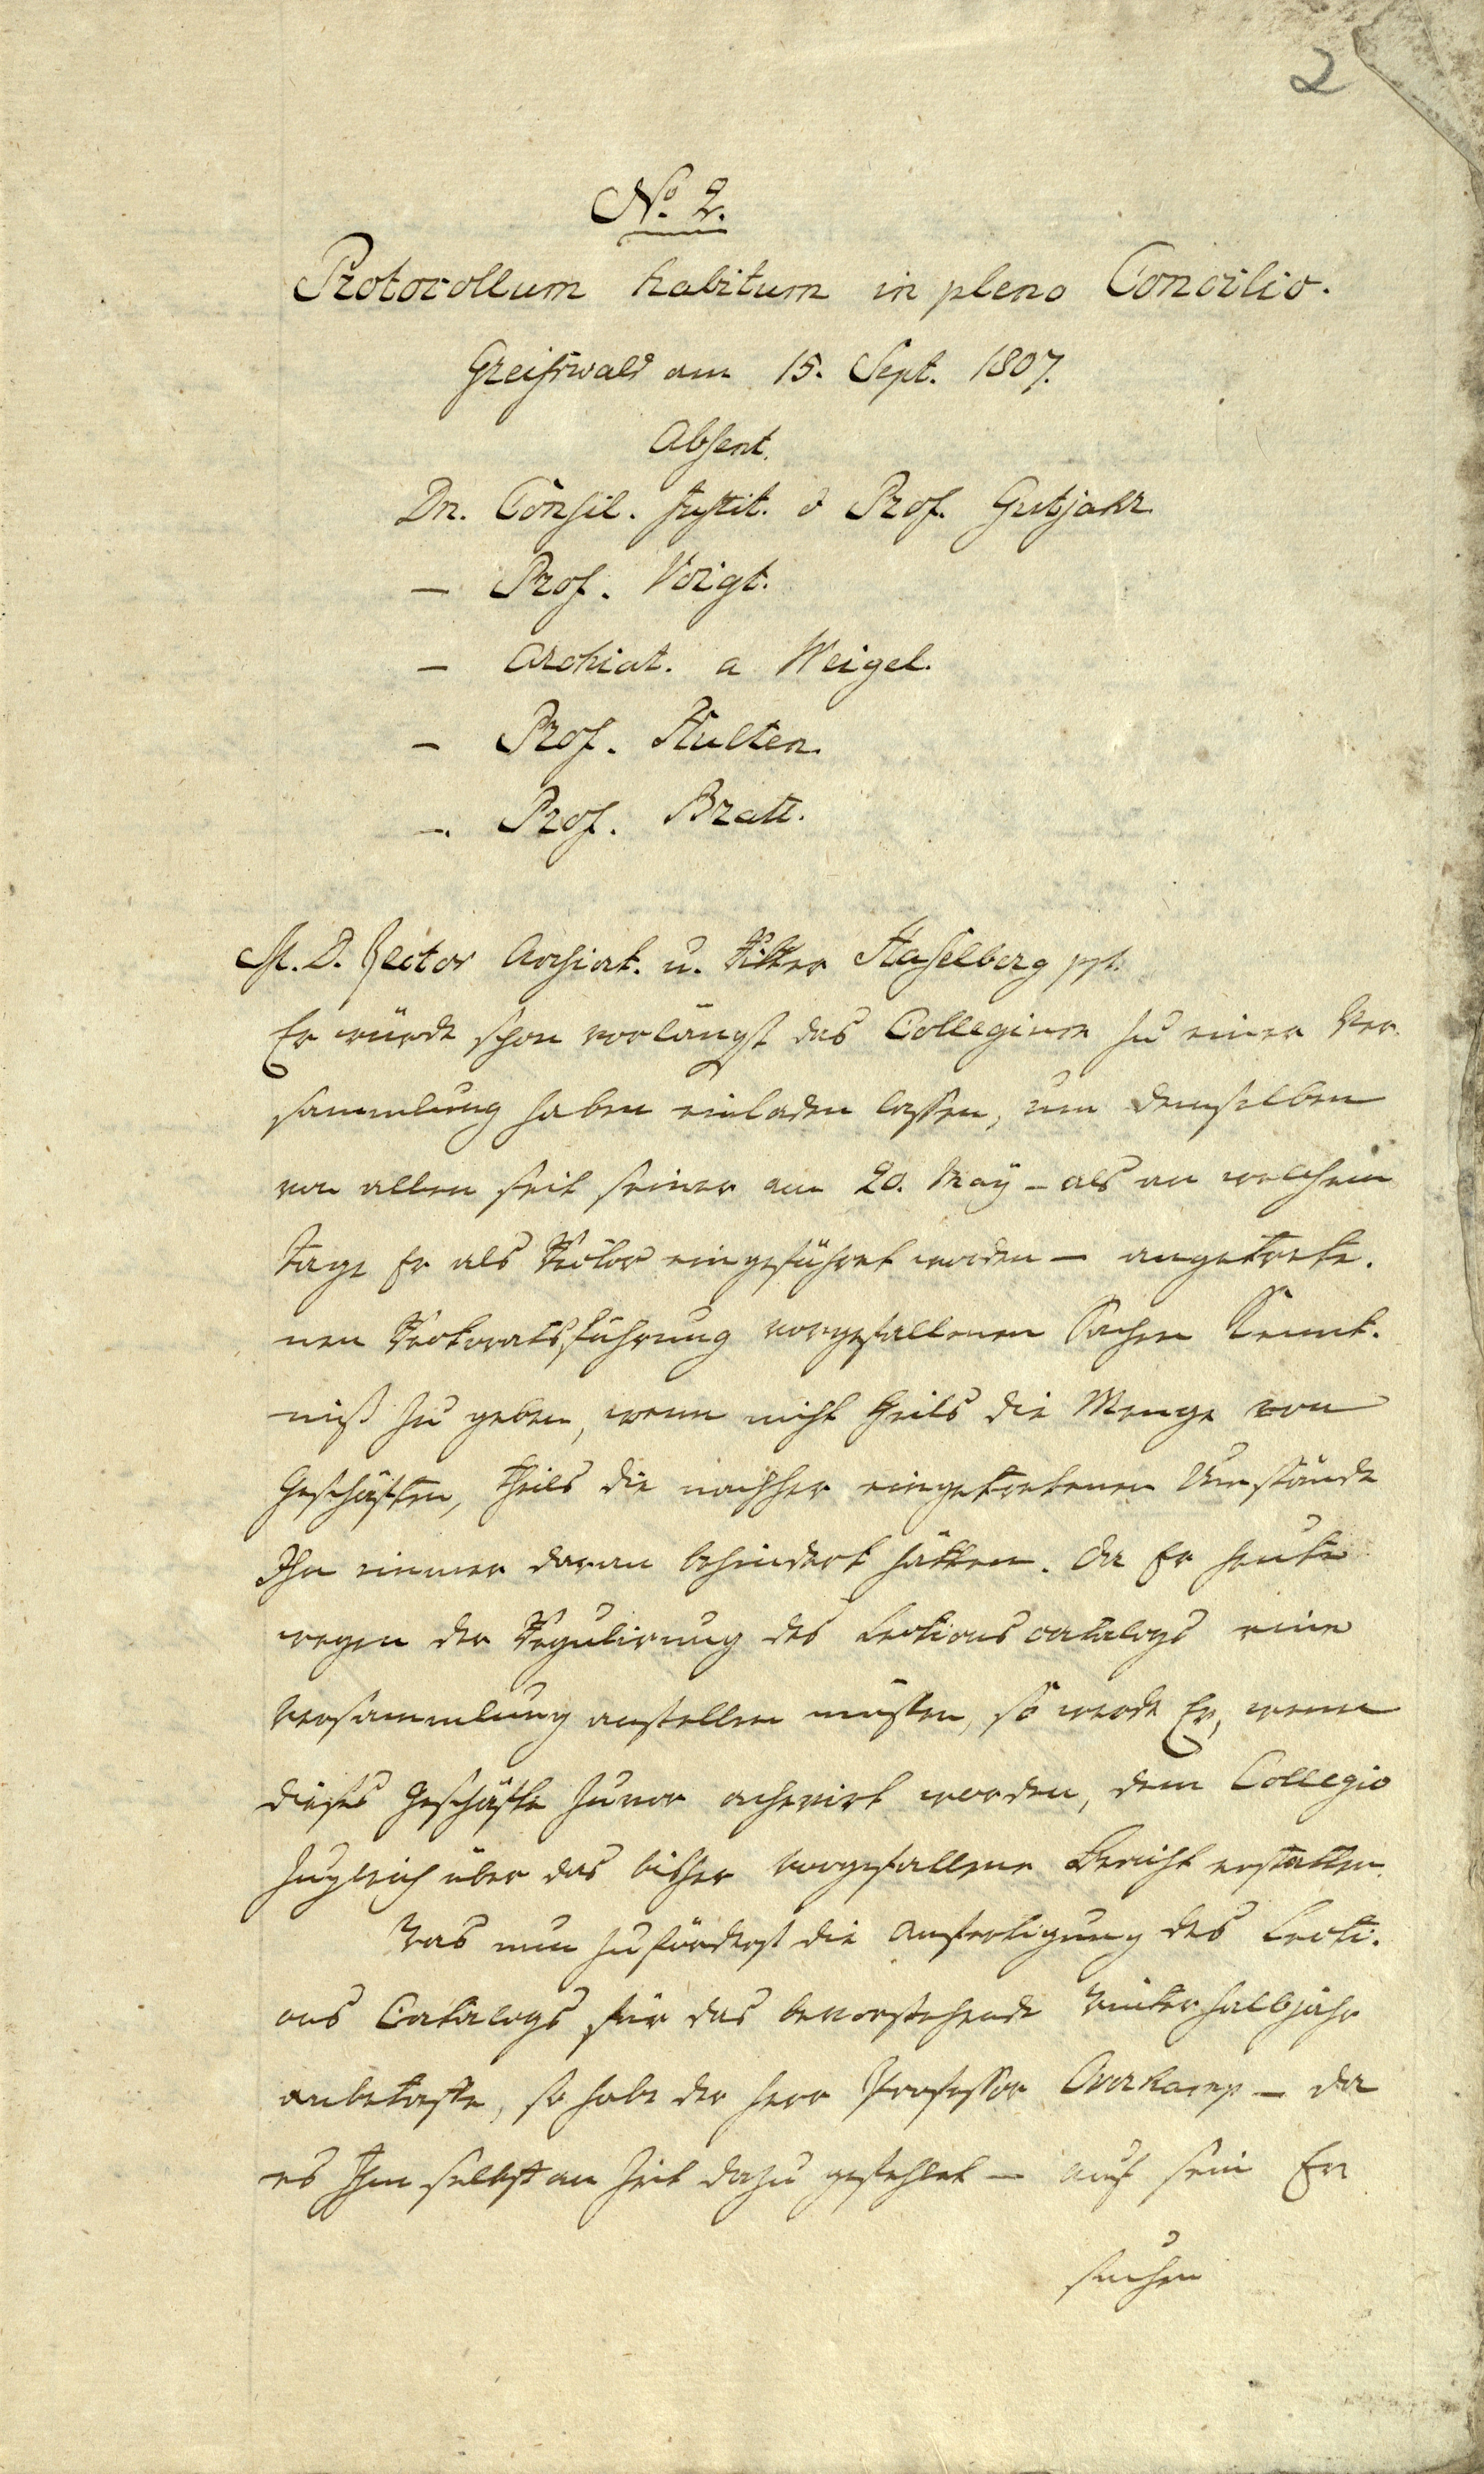No 2.
Protocollum habitum in pleno Concilio.
Greifswald am 15. Sept. 1807.
Absent.
Dn. Consil. Justit. et Prof. Gutjahr.
Prof. Voigt.
Archiat. a Weigel.
Prof. Hultén.
Prof. Bratt.
M D. Rector Archiat. u. Ritter Haselberg ppt.
Er würde schon vorlängst das Collegium zu einer Ver¬
sammlung haben einladen lassen, um demselben
von allen seit seiner am 20. Maÿ - als an welchem
Tage Er als Rector eingeführet worden - angetrete¬
nen Rectoratsführung vorgefallenen Sachen Kennt¬
niß zu geben, wenn nicht theils die Menge von
Geschäften, theils die nachher eingetretenen Umstände
Ihn immer daran behindert hätten. Da Er heute
wegen der Regulirung des Lections catalogs eine
Versammlung anstellen müssen, so werde Er, wenn
dieses Geschäfte zuvor achevirt worden, dem Collegio
zugleich über das bisher vorgefallene Bericht erstatten.
Was nun zuförderst die Anfertigung des Lecti¬
ons Catalogs für das bevorstehende Winterhalbjahr
anbetreffe, so habe der Herr Professor Overkamp - da
es Ihm selbst an Zeit dazu gefehlet - auf sein Er¬
suchen